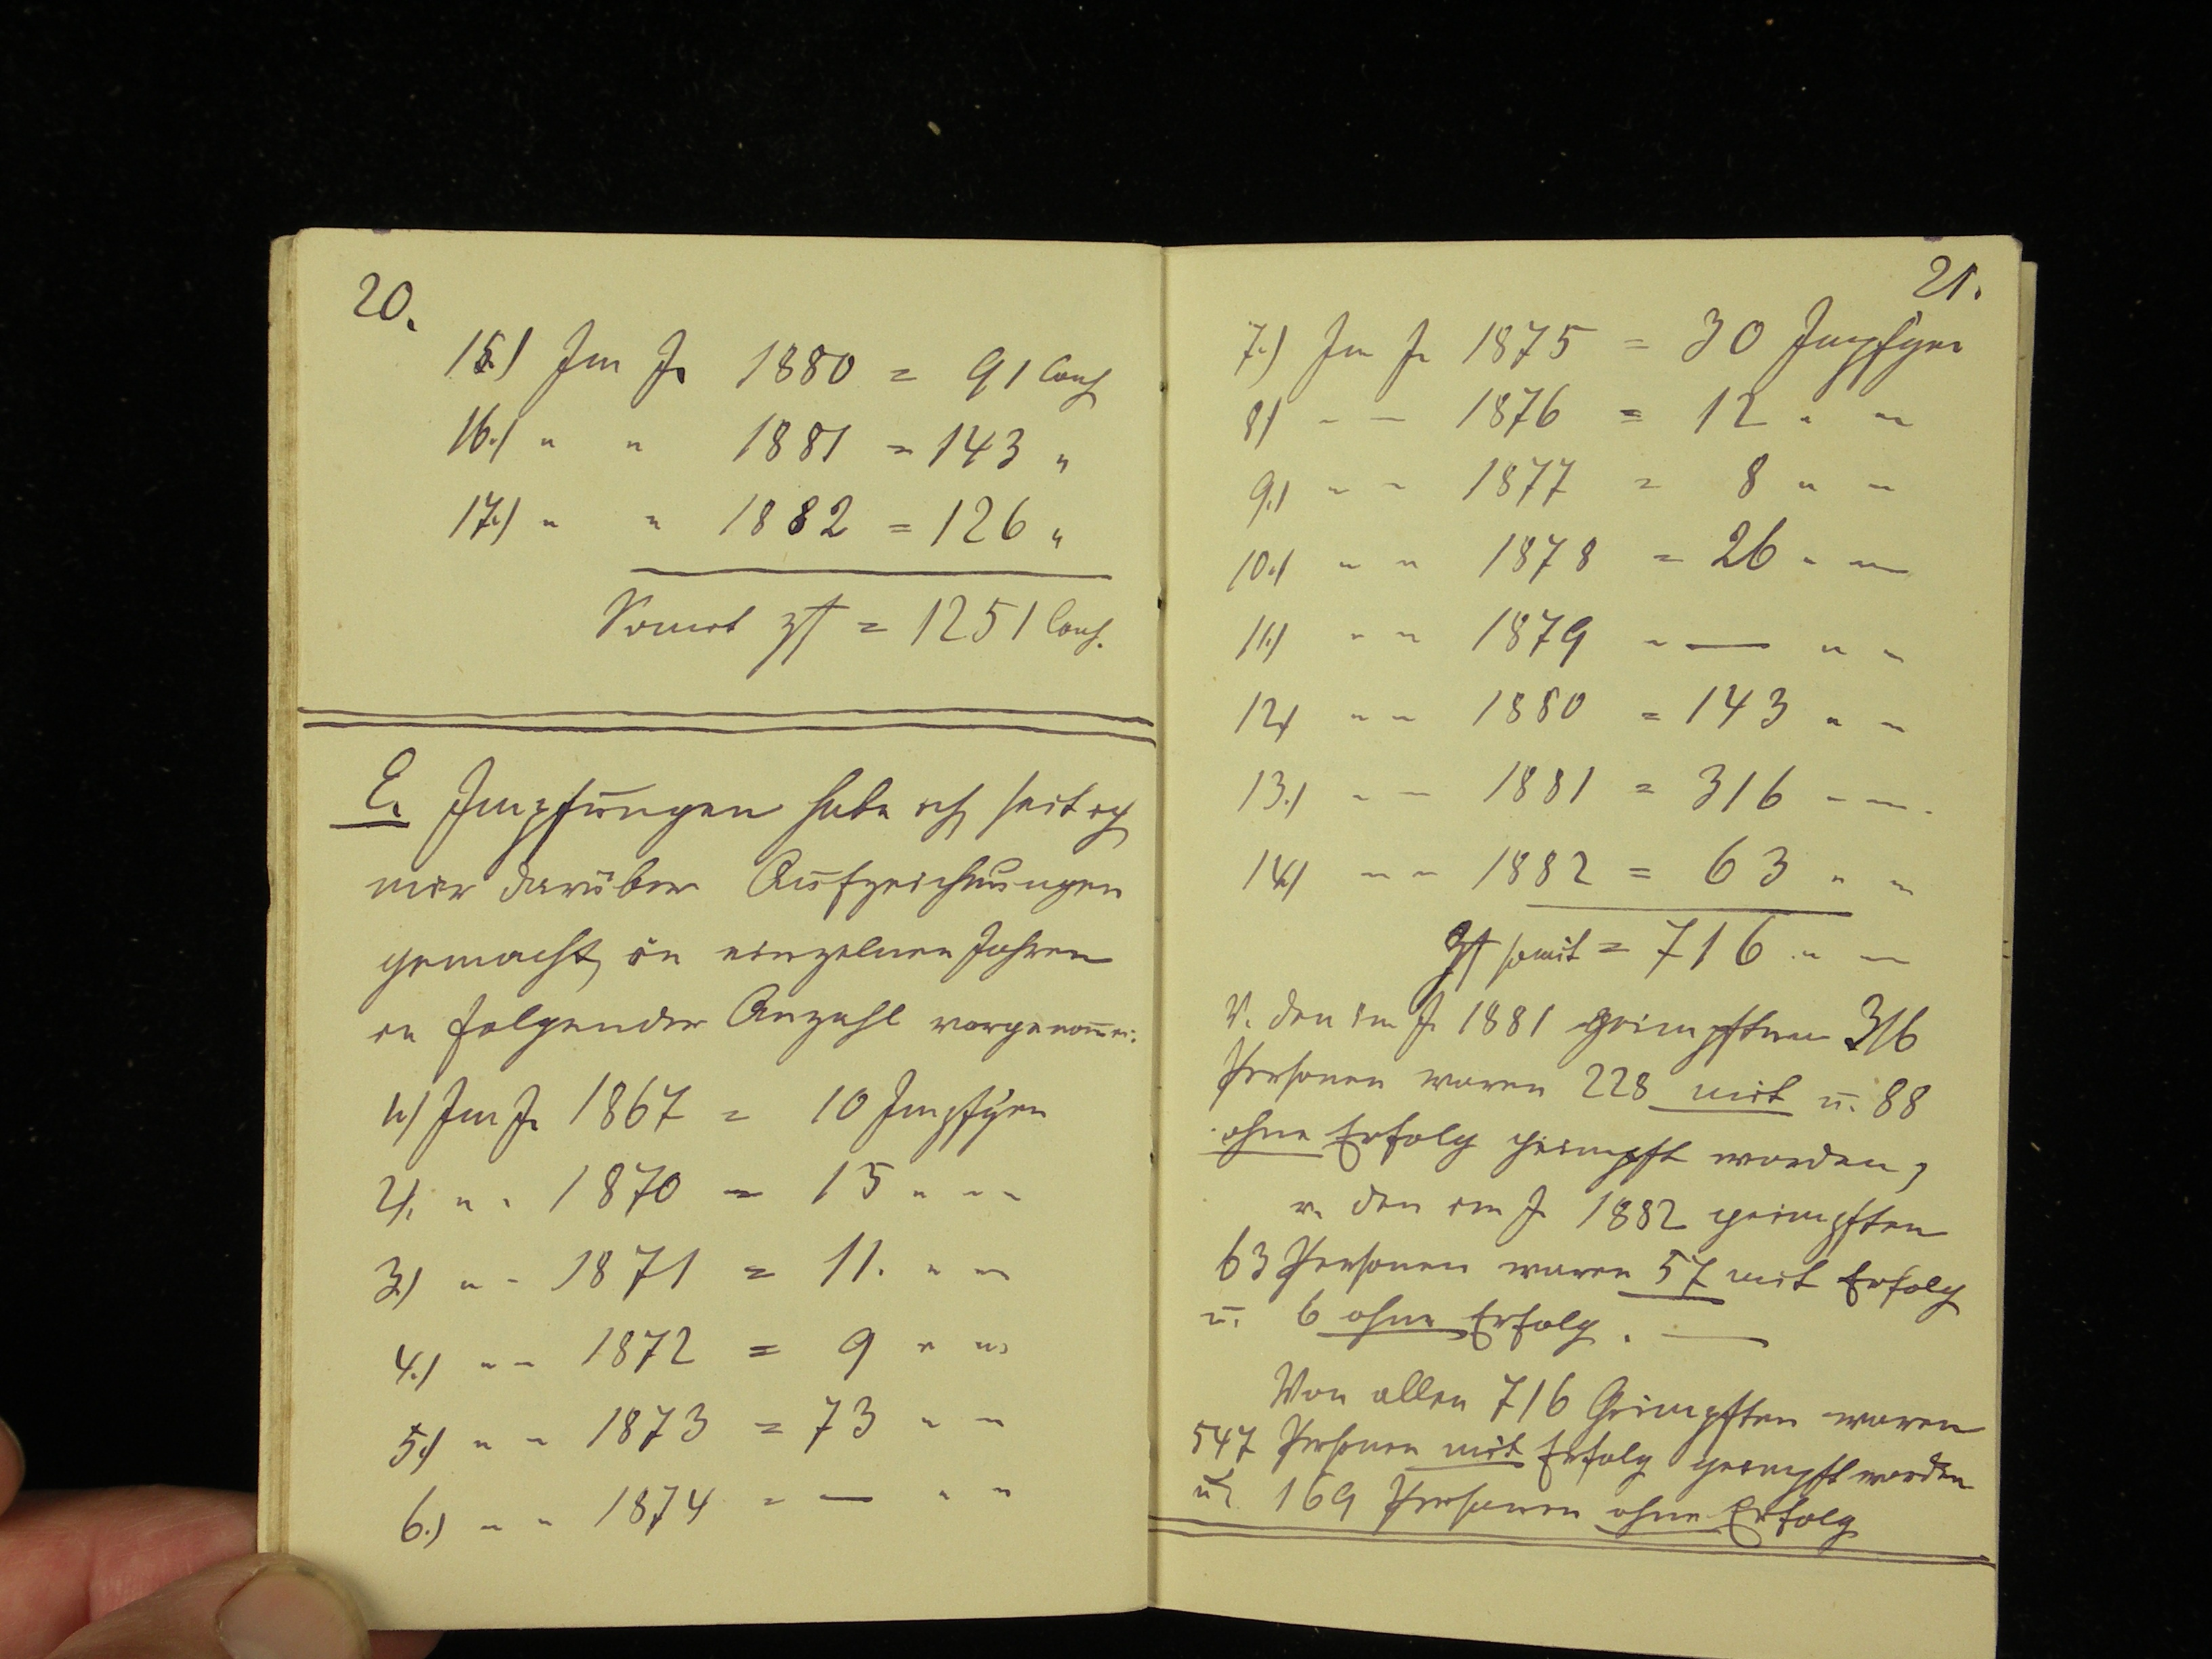20
15) Im Jahre 1880 = 91 Consilien
16) * 1881 = 143
17) * 1882 = 126
Somit zusammen = 1251 Consilien
E.) Impfungen habe ich seit ich
mir darüber Aufzeichnungen
gemacht, in einzelnen Jahre
in folgender Anzahl vorgenommen:
1) Im Jahre 1867 = 10 Impfungen
2) * 1870 = 15
3) * 1871 = 11
4) * 1872 = 9
5) * 1873 = 73
6) * 1874 = --
21
7) * 1875 = 30
8) * 1876 = 12
9) * 1877 = 8
10) * 1878 = 26
11) * 1879 = __
12) * 1880 = 143
13) * 1881 = 316
14) * 1882 = 63
Somit Gesamt = 716
Von den im J. 1881 geimpften 316
Personen waren 225 mit, und 88
ohne Erfolg geimpft worden,
von den 1882 geimpften
63 Personen waren 57 mit Erfolg
und 6 ohne Erfolg.—
Von allen 716 Geimpften waren
547 Personen mit Erfolg geimpft worden
und 169 Personen ohne Erfolg.